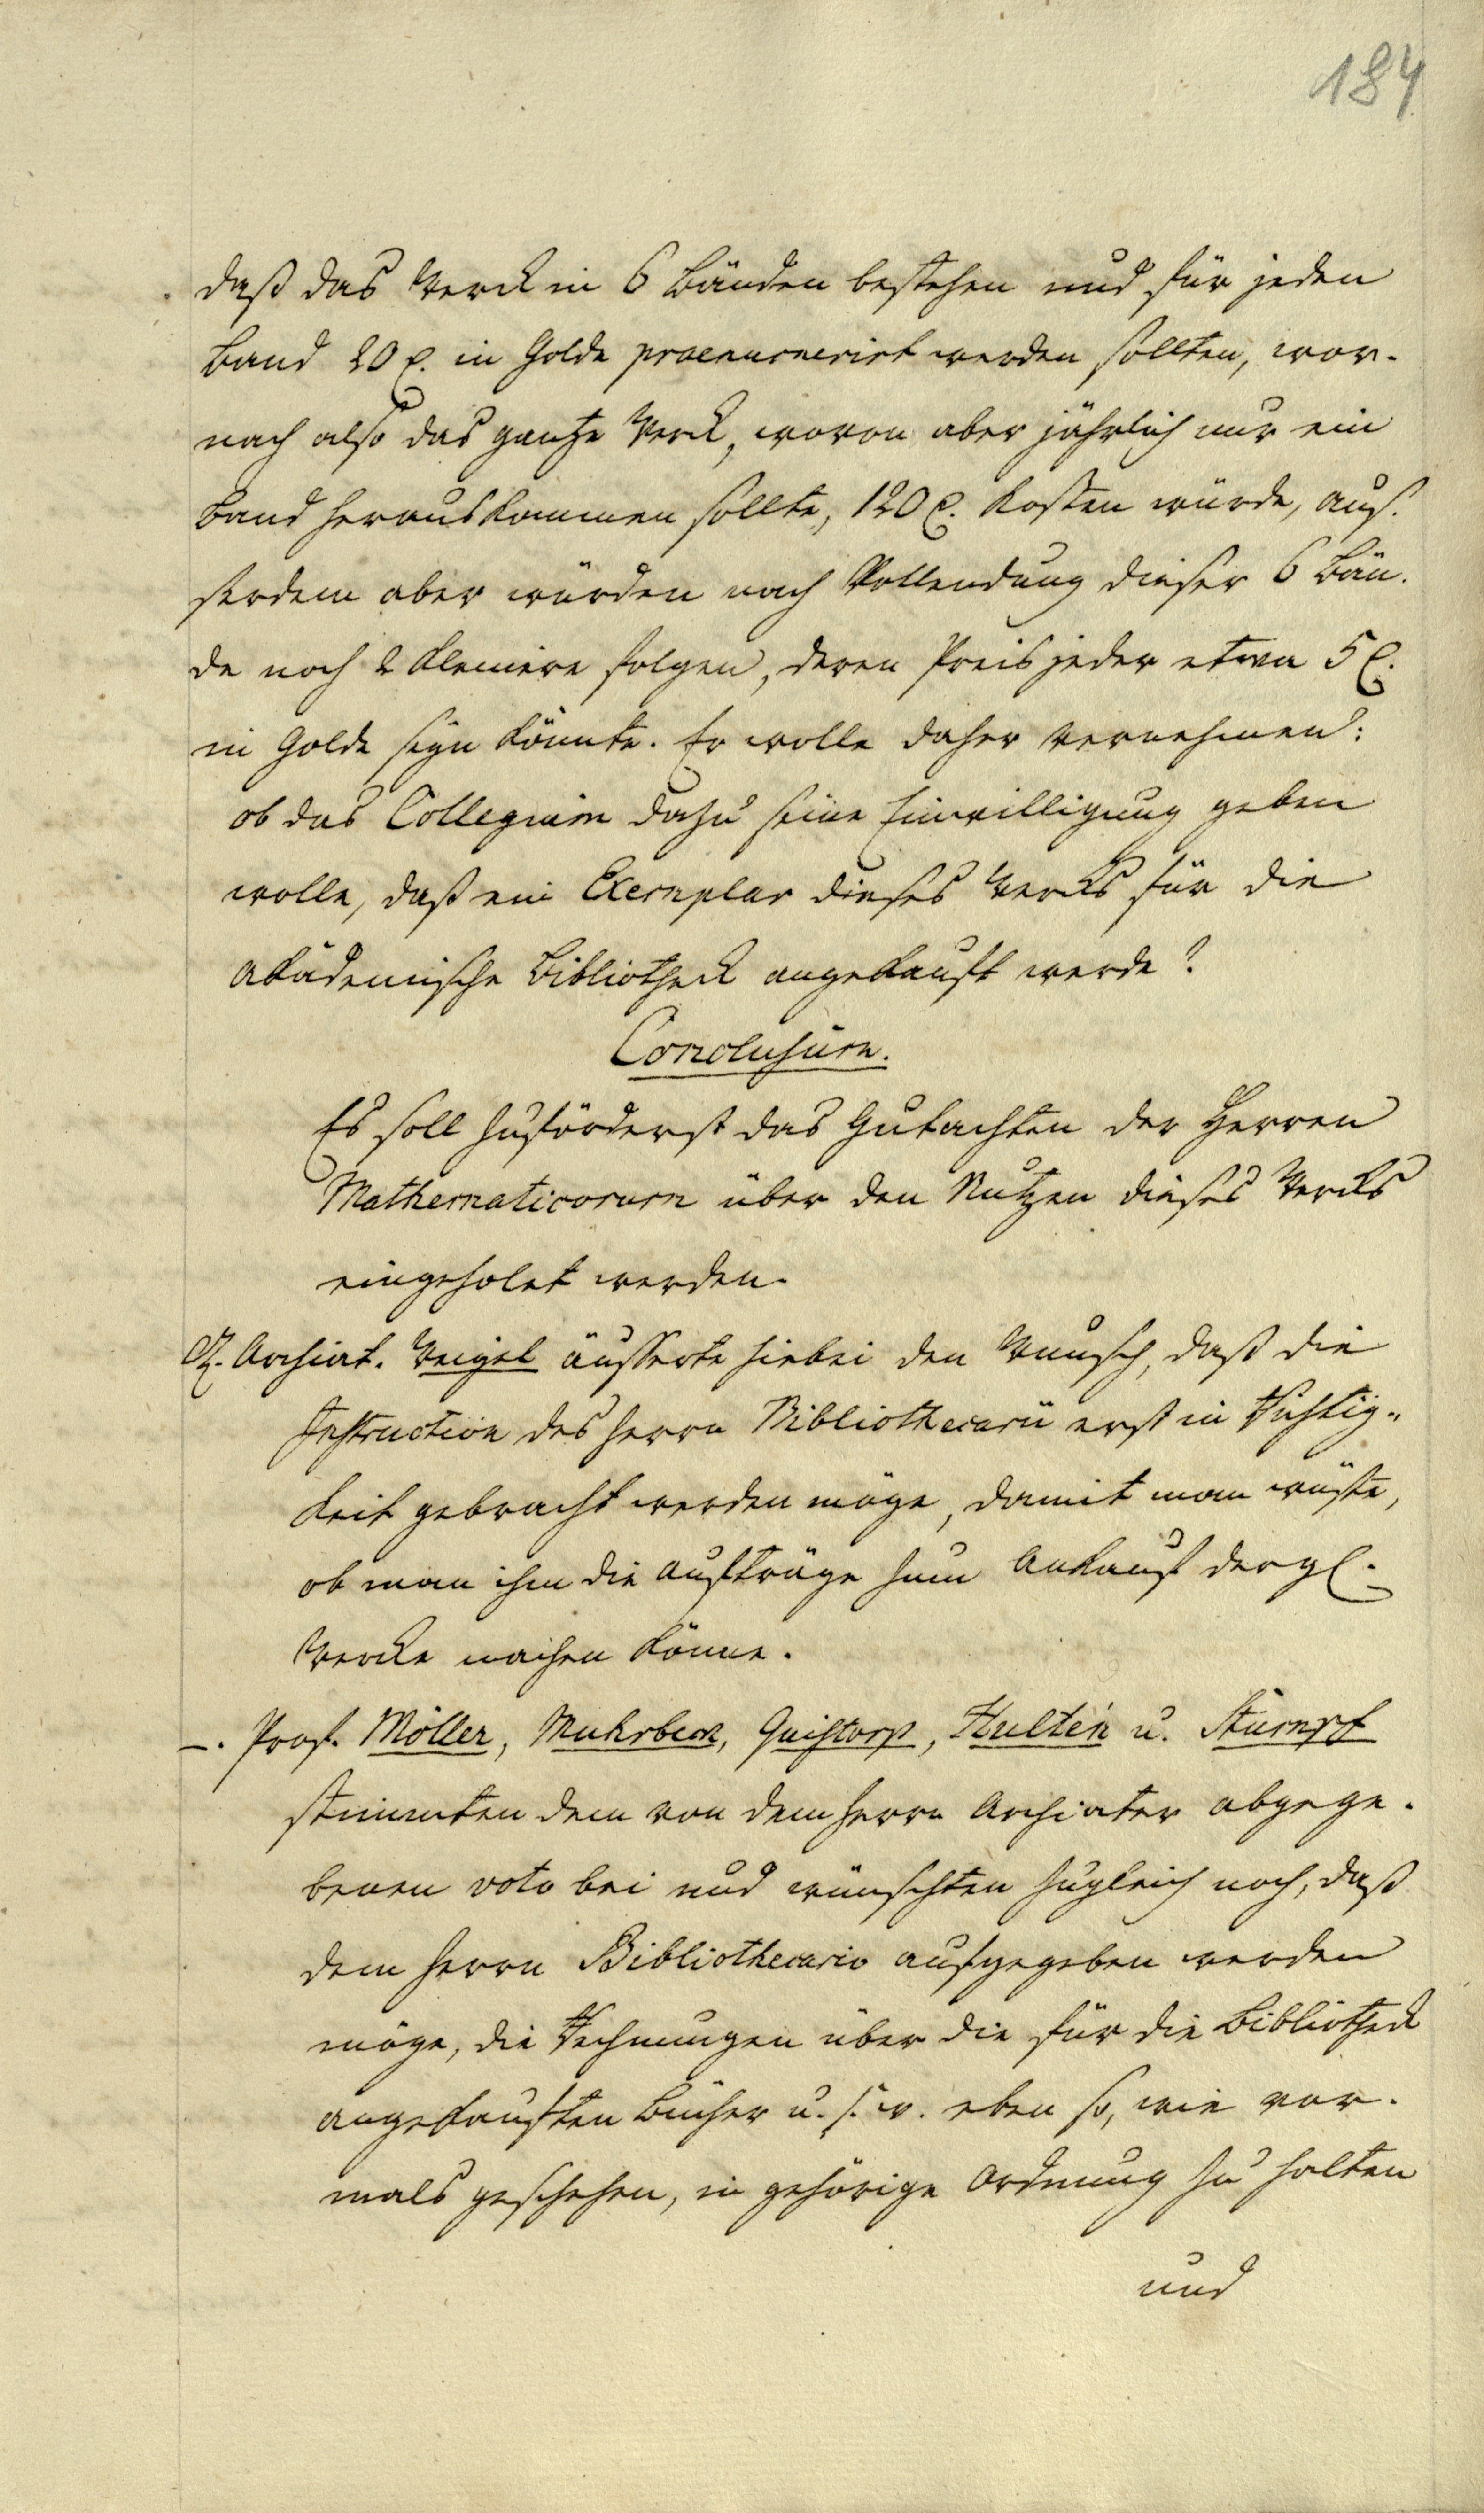daß das Werck in 6 Bänden bestehen und für jeden
Band 20 l. in Golde praenumerirt werden sollten, wor¬
nach also das gantze Werck, wovon aber jährlich nur ein
Band herauskommen sollte, 120 l. kosten würde, aus¬
serdem aber würden nach Vollendung dieser 6 Bän¬
de noch 2 kleinere folgen, deren Preis jeder etwa 5 l.
in Golde seÿn könnte. Er wolle daher vernehmen:
ob das Collegium dazu seine Einwilligung geben
wolle, daß ein Exemplar dieses Wercks für die
akademische Bibliotheck angekauft werde?
Conclusum.
Es soll zuförderst das Gutachten der Herren
Mathematicorum über den Nutzen dieses Wercks
eingeholet werden.
dh. Archiat. Weigel äusserte hiebei den Wunsch, daß die
Instruction des Herrn Bibliothecarii erst in Richtig¬
keit gebracht werden möge, damit man wüßte,
ob man ihm die Aufträge zum Ankauf dergl.
Wercke machen könne.
Prof. Möller, Muhrbeck, Quistorp, Hultén u. Stumpf
stimmten dem von dem Herrn Archiater abgege¬
benen voto bei und wünschten zugleich noch, daß
dem Herrn Bibliothecario aufgegeben werden
möge, die Rechnungen über die für die Bibliotheck
angekauften Bücher u. s. w. eben so, wie vor¬
mals geschehen, in gehörige Ordnung zu halten
und